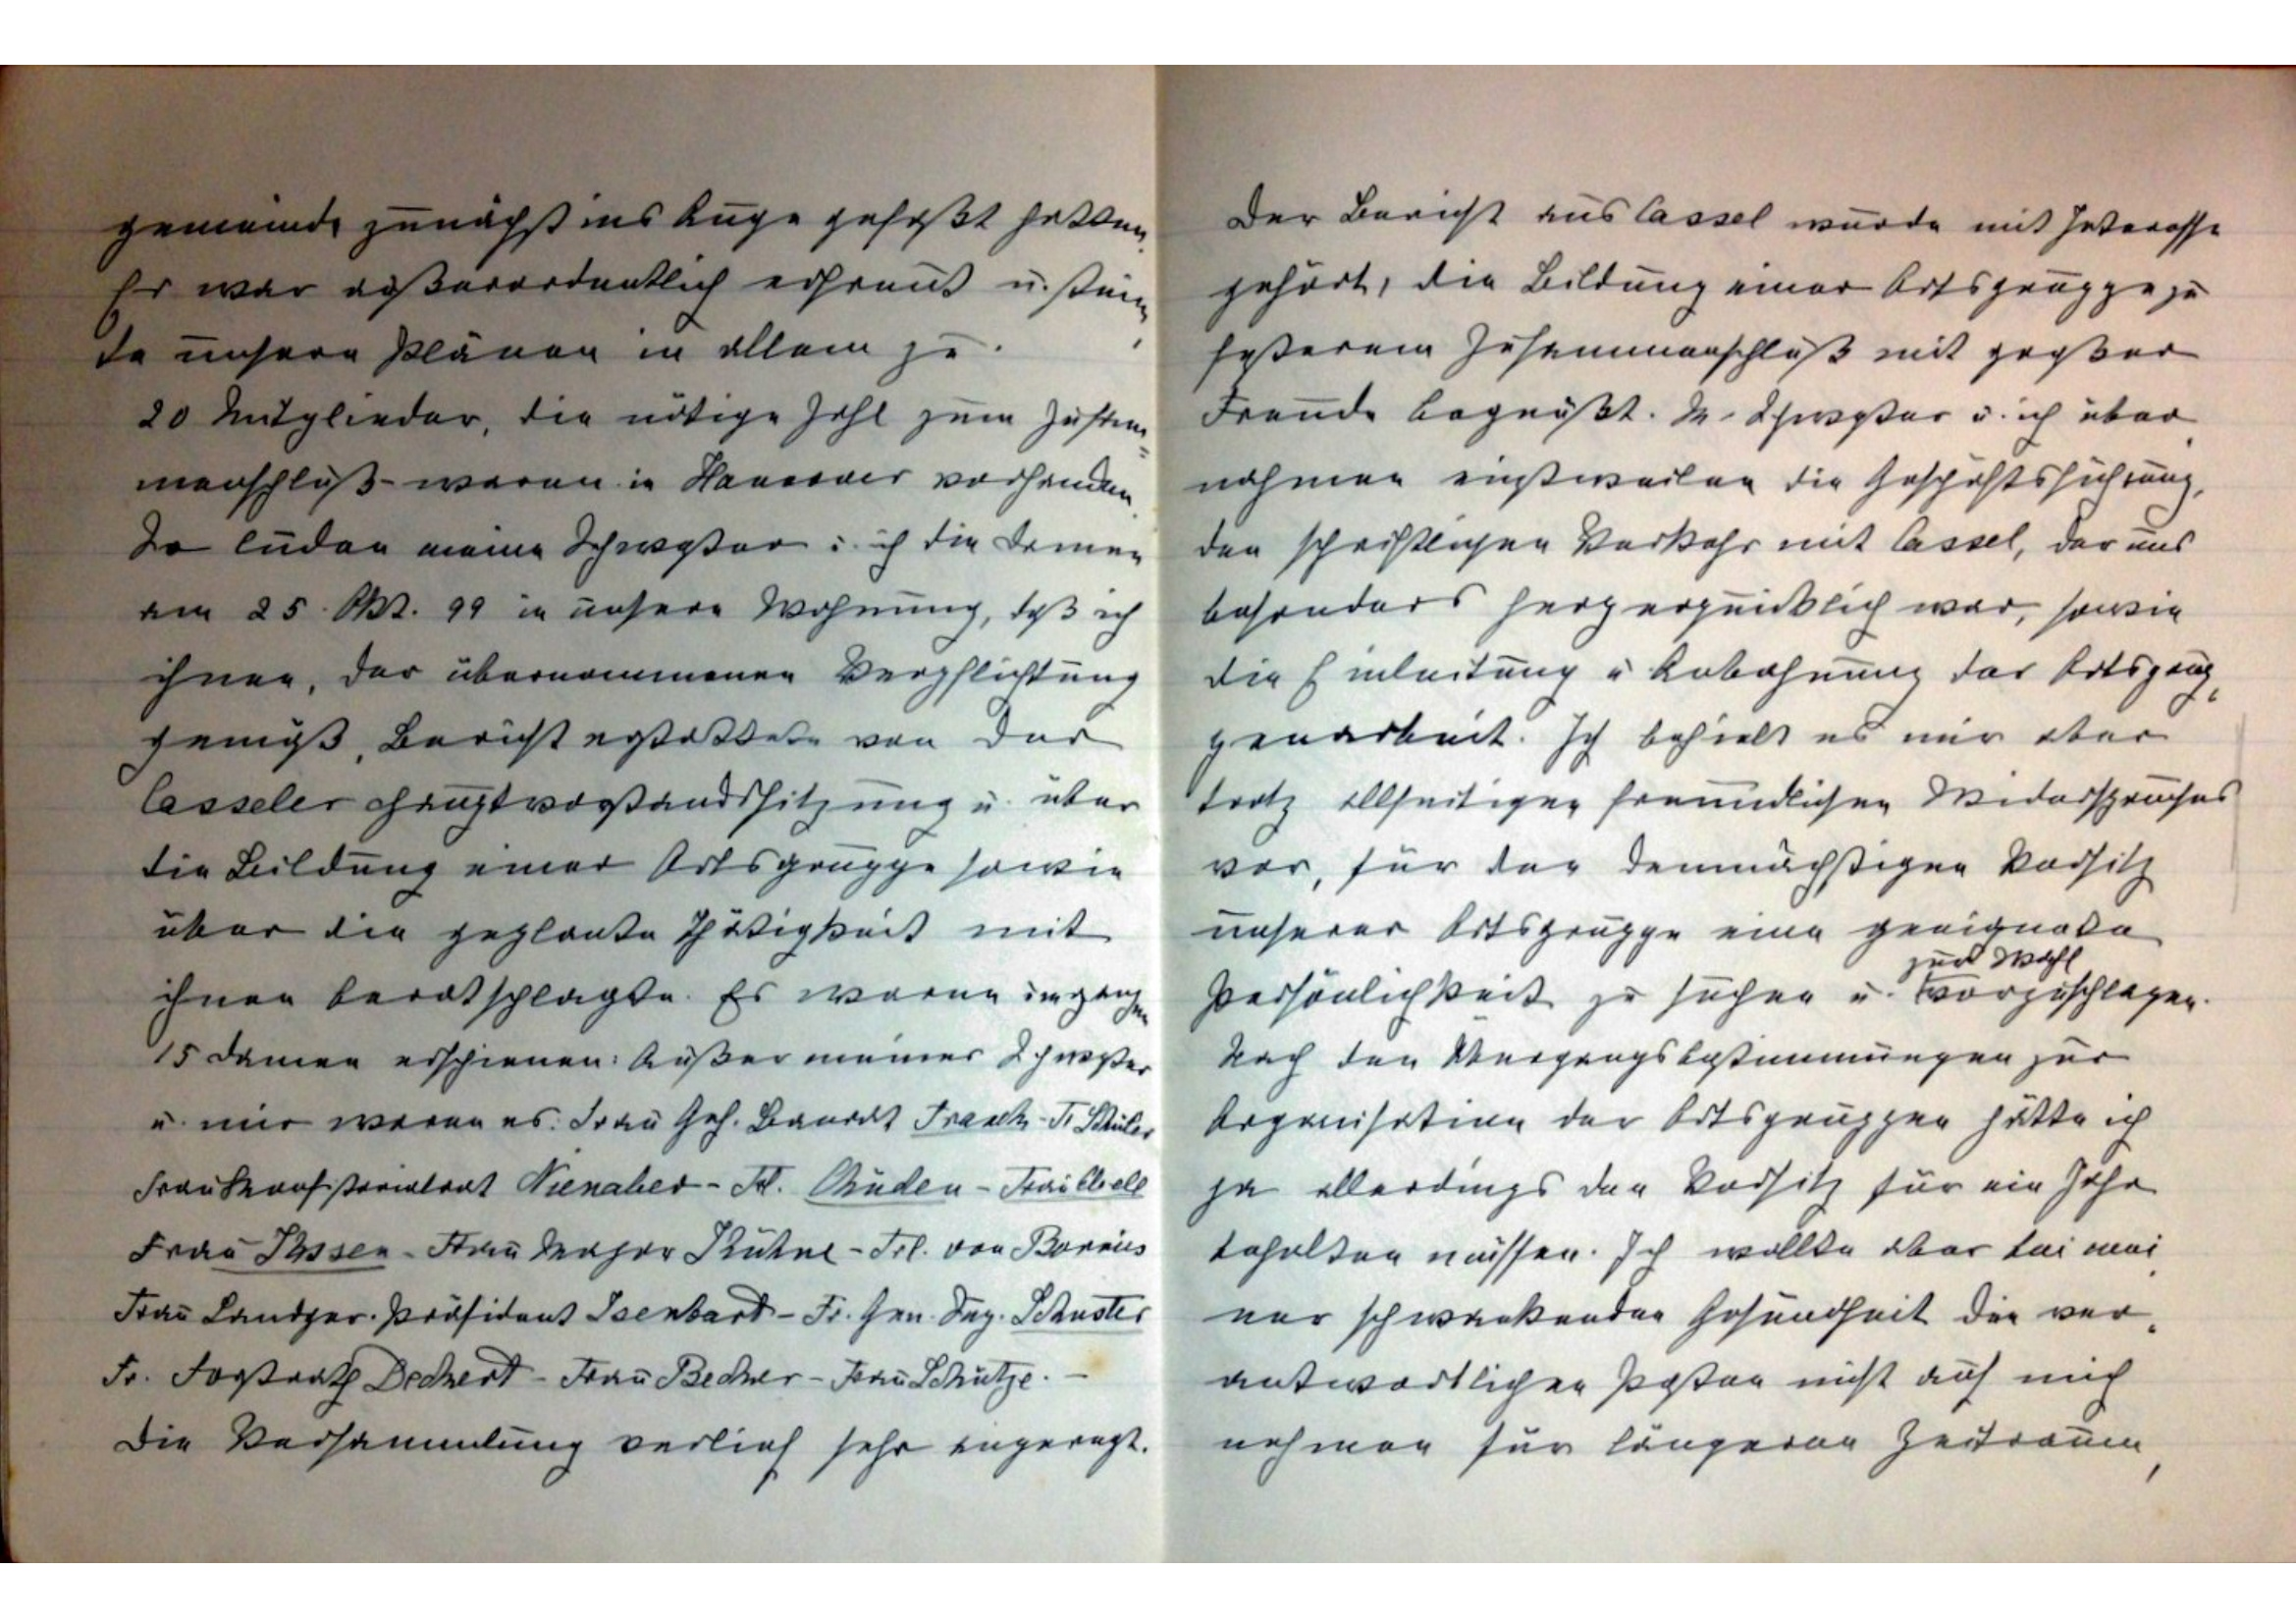gemeinde zunächst ins Auge gefasst hatten.
Er war außerordentlich erfreut u. stimm
te unseren Plänen in allem zu.
20 Mitglieder, die nötige Zahl zum Zusam
menschluß waren in Hannover vorhanden.
So luden meine Schwester u. ich die Damen
am 25. Okt. 99 in unsere Wohnung, daß ich
ich ihnen, der übernommenen Verpflichtung
gemäß, Bericht erstattet von der
Casseler Hauptvorstandssitzung u. über
die Bildung einer Ortsgruppe, sowie
über die geplante Thätigkeit mit
ihnen beratschlagte. Es waren im ganzen
15 Damen erschienen. Außer meiner Schwester
u. mir waren es: Frau Grf. Laurds, Fräulein. T. Schuler,
Frau Ministerialrat Nienaber – Frl. Auden – Frau Ebell
Frau Lassen – Frau Mayer Kühne – Frl von Boreis
Frau Landgar. Präsident Isenbart – Fr. Gen. Sup. Schuster
Fr. Forstrath Dechnert – Frau Bechner – Frau Schütze
Die Versammlung verlief sehr angeregt.
Der Bericht aus Cassel wurde mit Interesse
gehört, die Bildung einer Ortsgruppe zu
festeren Zusammenschluss mit großer
Freude begrüßt. M. Schwester u. ich über
übernahmen einstweilen die Geschäftsführung,
den schriftlichen Verkehr mit Cassel, der uns
besonders herzerquicklich war, sowie
die Einleitung u. Anbahnung der Ortsgrup
penarbeit. Ich behielt es mir aber
trotz allseitigen freundlichen Widerstandes,
für den demnächstigen Vorsitz
Vorsitz unserer Ortsgruppe eine geeignete
zur Wahl
Persönlichkeit zu suchen u. vorzuschlagen.
Nach den Vorgangsbestimmungen zur
Organisation der Ortsgruppen hätte ich
ja allerdings den Vorsitz für ein Jahr
behalten müssen. Ich wollte aber bei mei
ner schwankenden Gesundheit den ver
verantwortlichen Posten nicht nicht auf
mich nehmen für längeren Zeitraum,